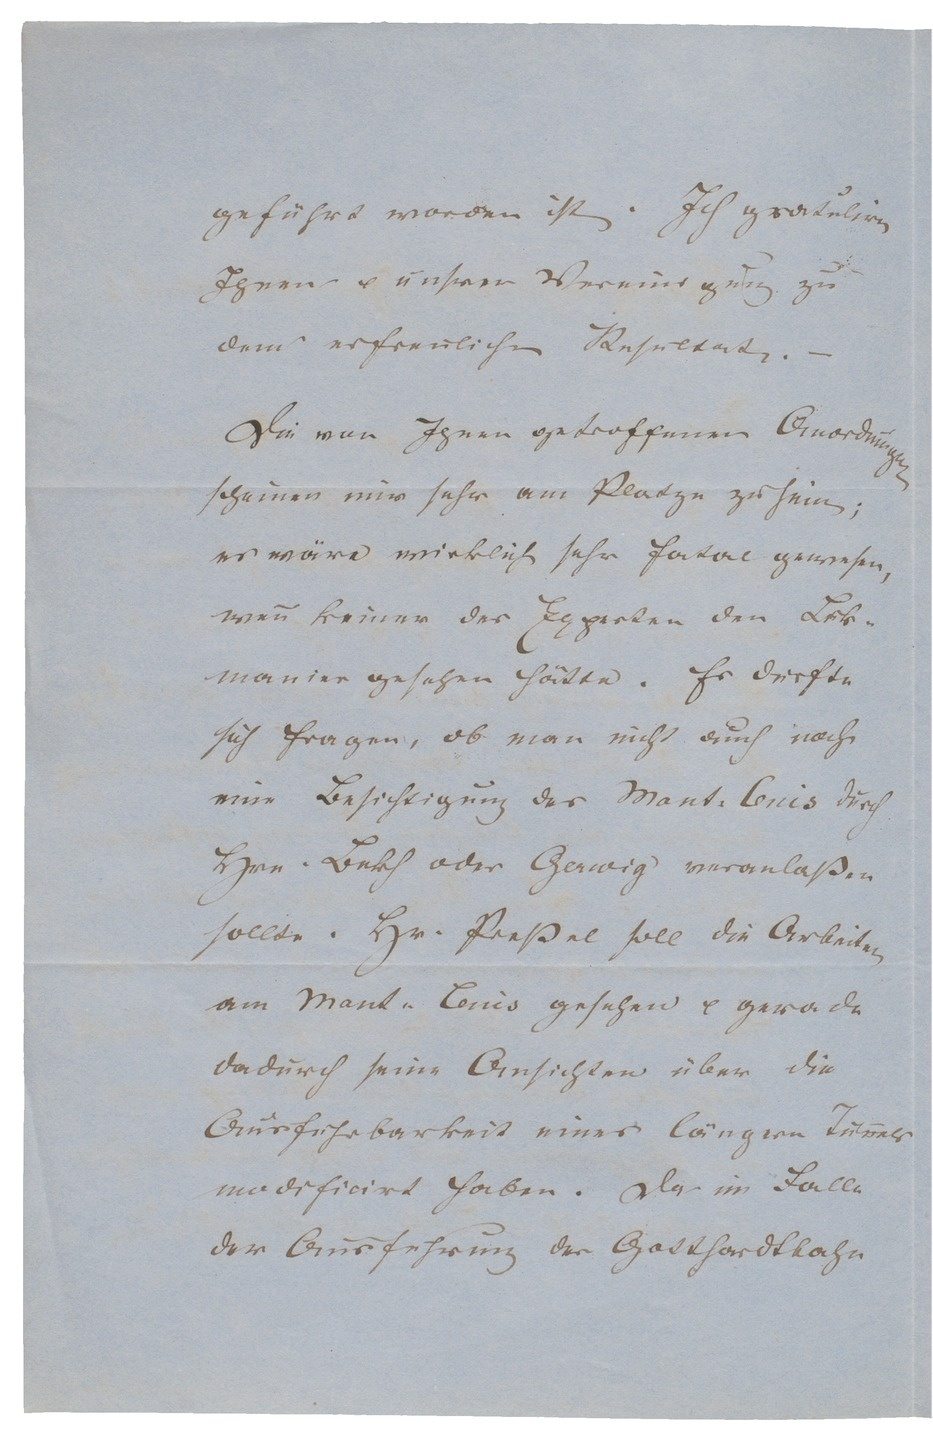geführt worden ist. Ich gratulire
Ihnen & unsrer Vereinigung zu
dem erfreulichen Resultate. –
Die von Ihnen getroffenen Anordnungen
scheinen mir sehr am Platze zu sein;
es wäre wirklich sehr fatal gewesen,
wenn keiner der Experten den Luk-
manier gesehen hätte. Es dürfte
sich fragen, ob man nicht auch noch
eine Besichtigung des Mont–Cenis durch
Hrn. Bekh oder Gerwig veranlaßen
sollte. Hr. Preßel soll die Arbeiten
am Mont–Cenis gesehen & gerade
dadurch seine Ansichten über die
Ausführbarkeit eines längern Tunnels
modificirt haben. Da im Falle
der Ausführung der Gotthardtbahn